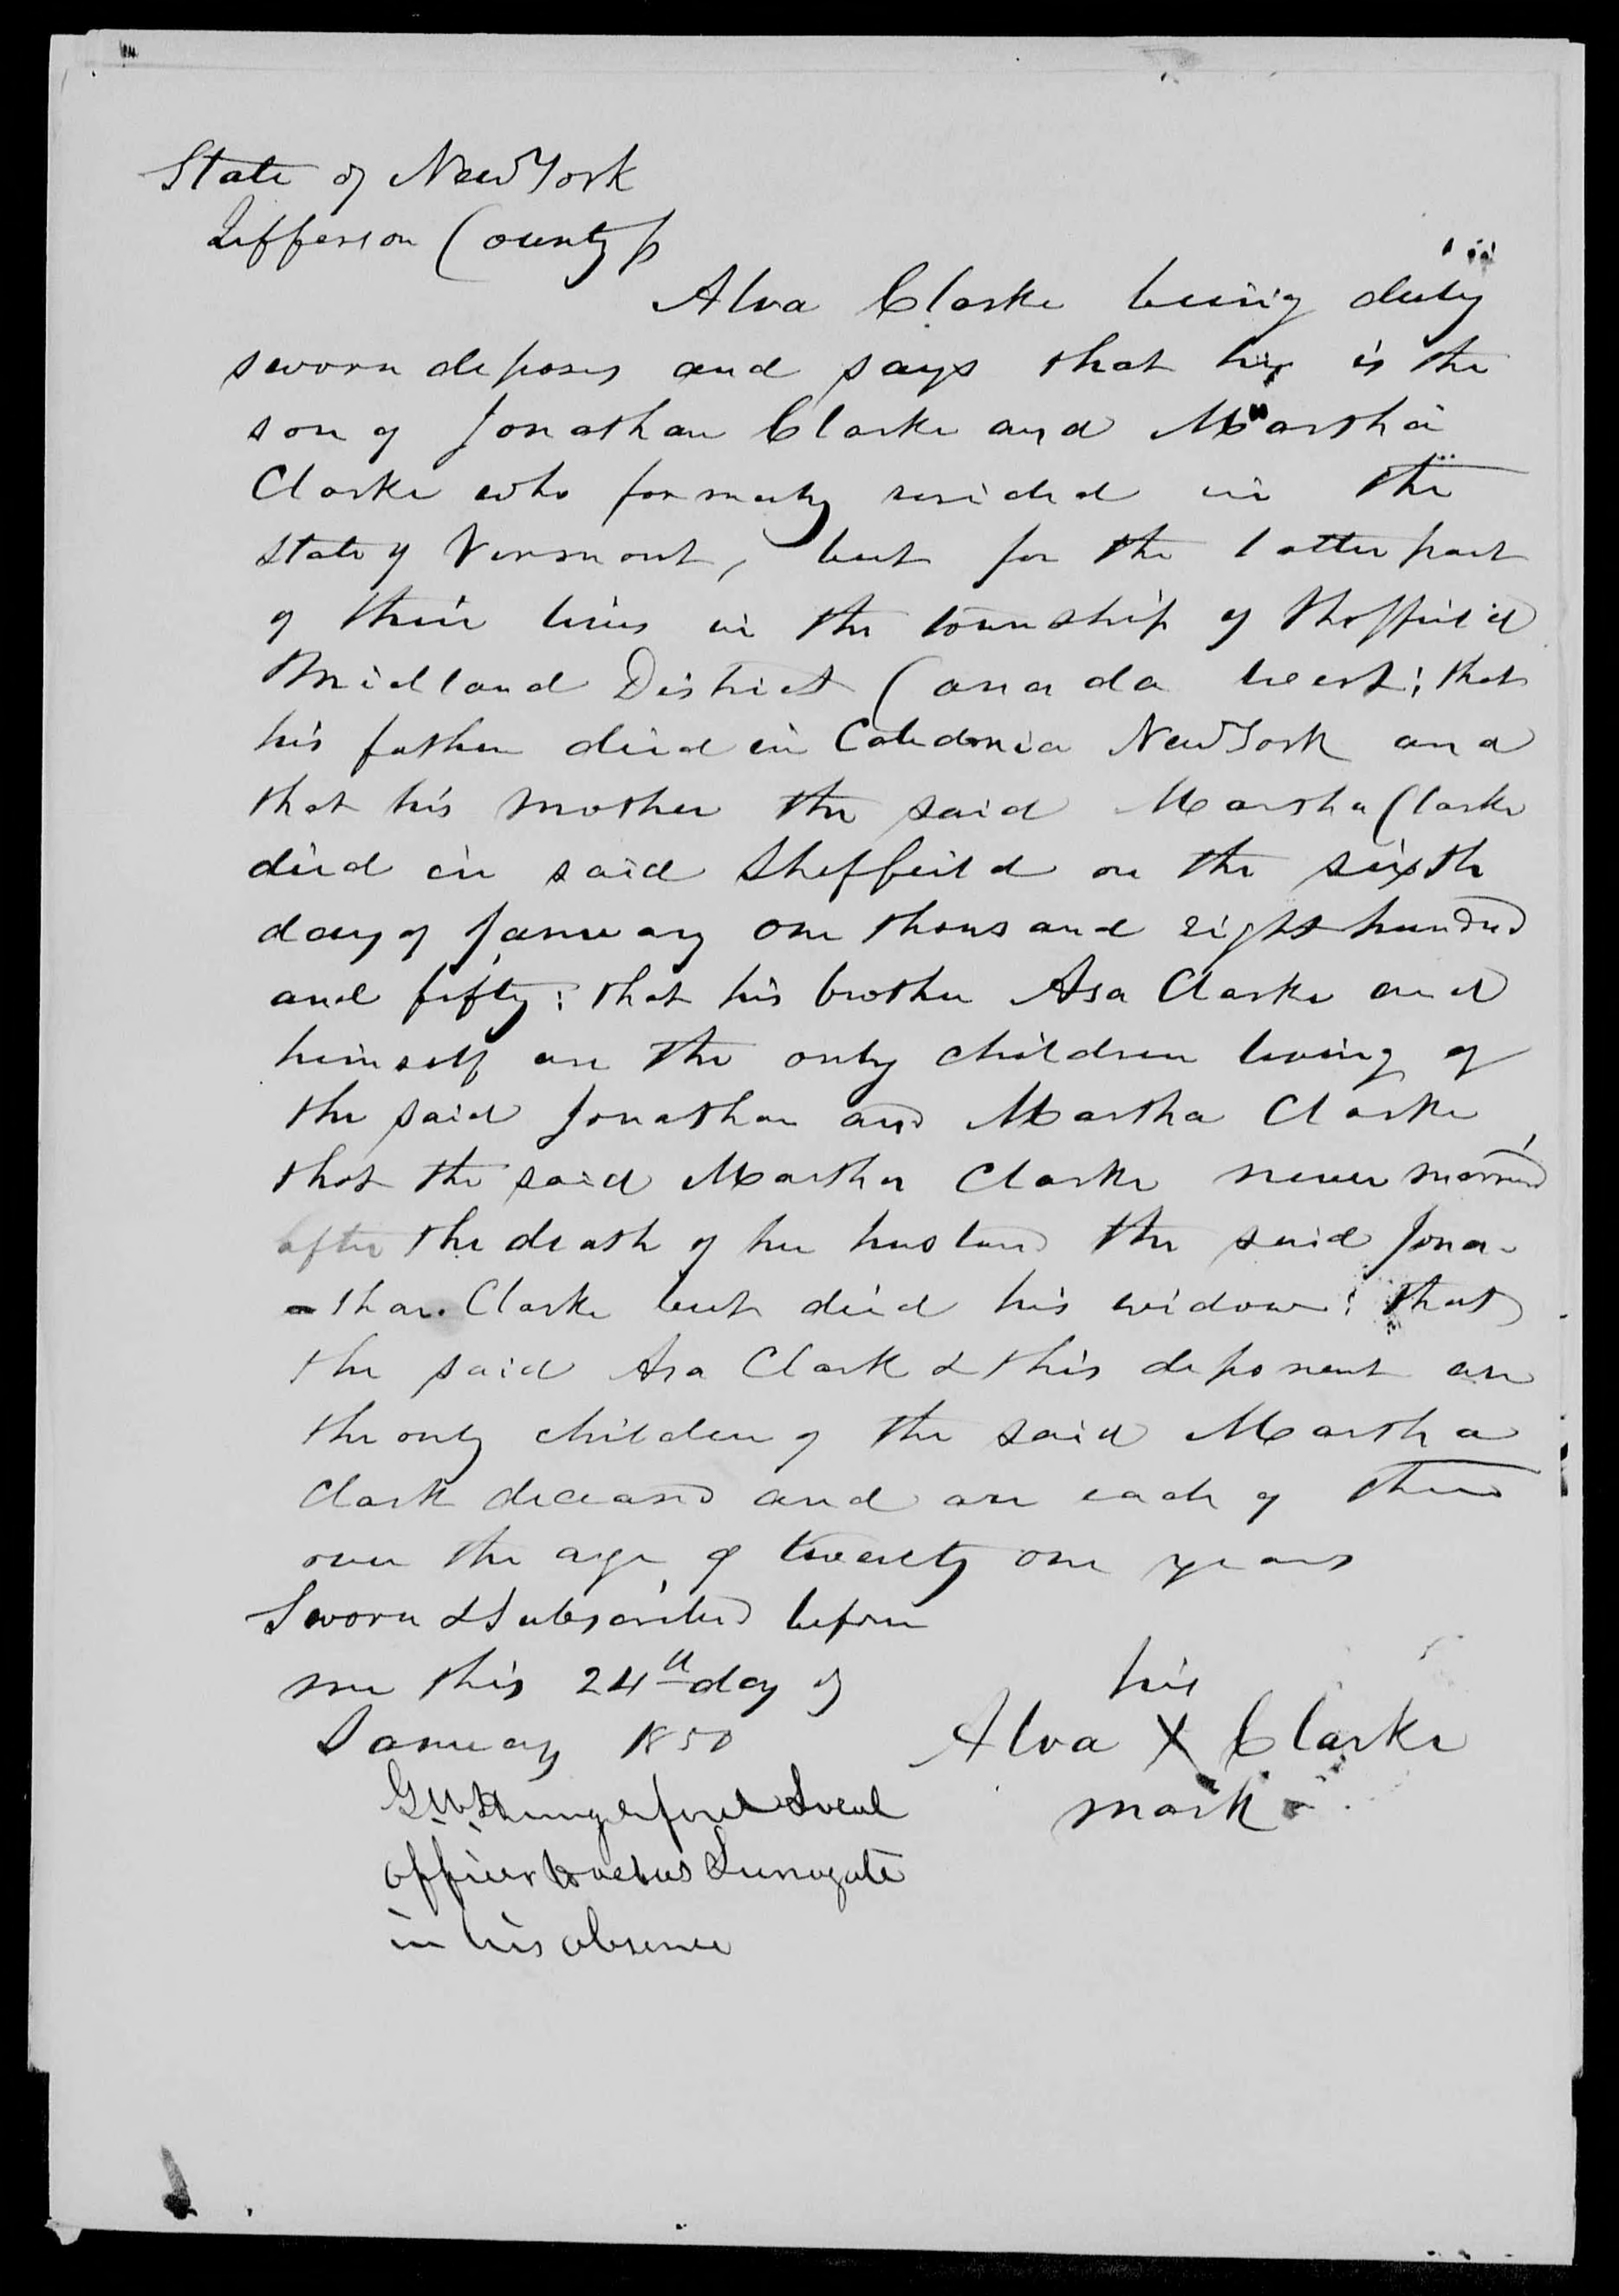State of New York
Jefferson County Ss
  Alva Clarke being duly sworn deposes and says that he is the son of Jonathan Clarke and Martha Clarke who formerly resided in the State of Vermont, but for the latter part of their lives in the township of Sheffield Midland District Canada West; that his father died in Caledonia New York and that his mother the said Martha Clarke died in said Sheffield on the sixth day of January one thousand eight hundred and fifty; that his brother Asa Clarke and himself are the only children living  of the said Jonathan and Martha Clarke that the said Martha Clarke never married after the death of her husband the said Jonathan Clarke but died his widow: that the said Asa Clark & this deponent are the only children of the said Martha Clark deceased and are each of them over the age of twenty one years
Alva (his mark) Clarke
Sworn & Subscribed before
me this 24th day of
January 1850
G.W. Hungerford Local
Officer to act as Surrogate
in his absence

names: Martha Clark, Jonathan Clarke, Martha Clarke, Jonathan Clarke, Asa Clarke, G W Hungerford, Alva Clarke, Alva Clarke, Martha Clarke, Jonathan Clarke, Martha Clarke, Martha Clarke, Asa Clark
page: 15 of 26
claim: rejected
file: R. 2001, Jonathan Clark, Conn.